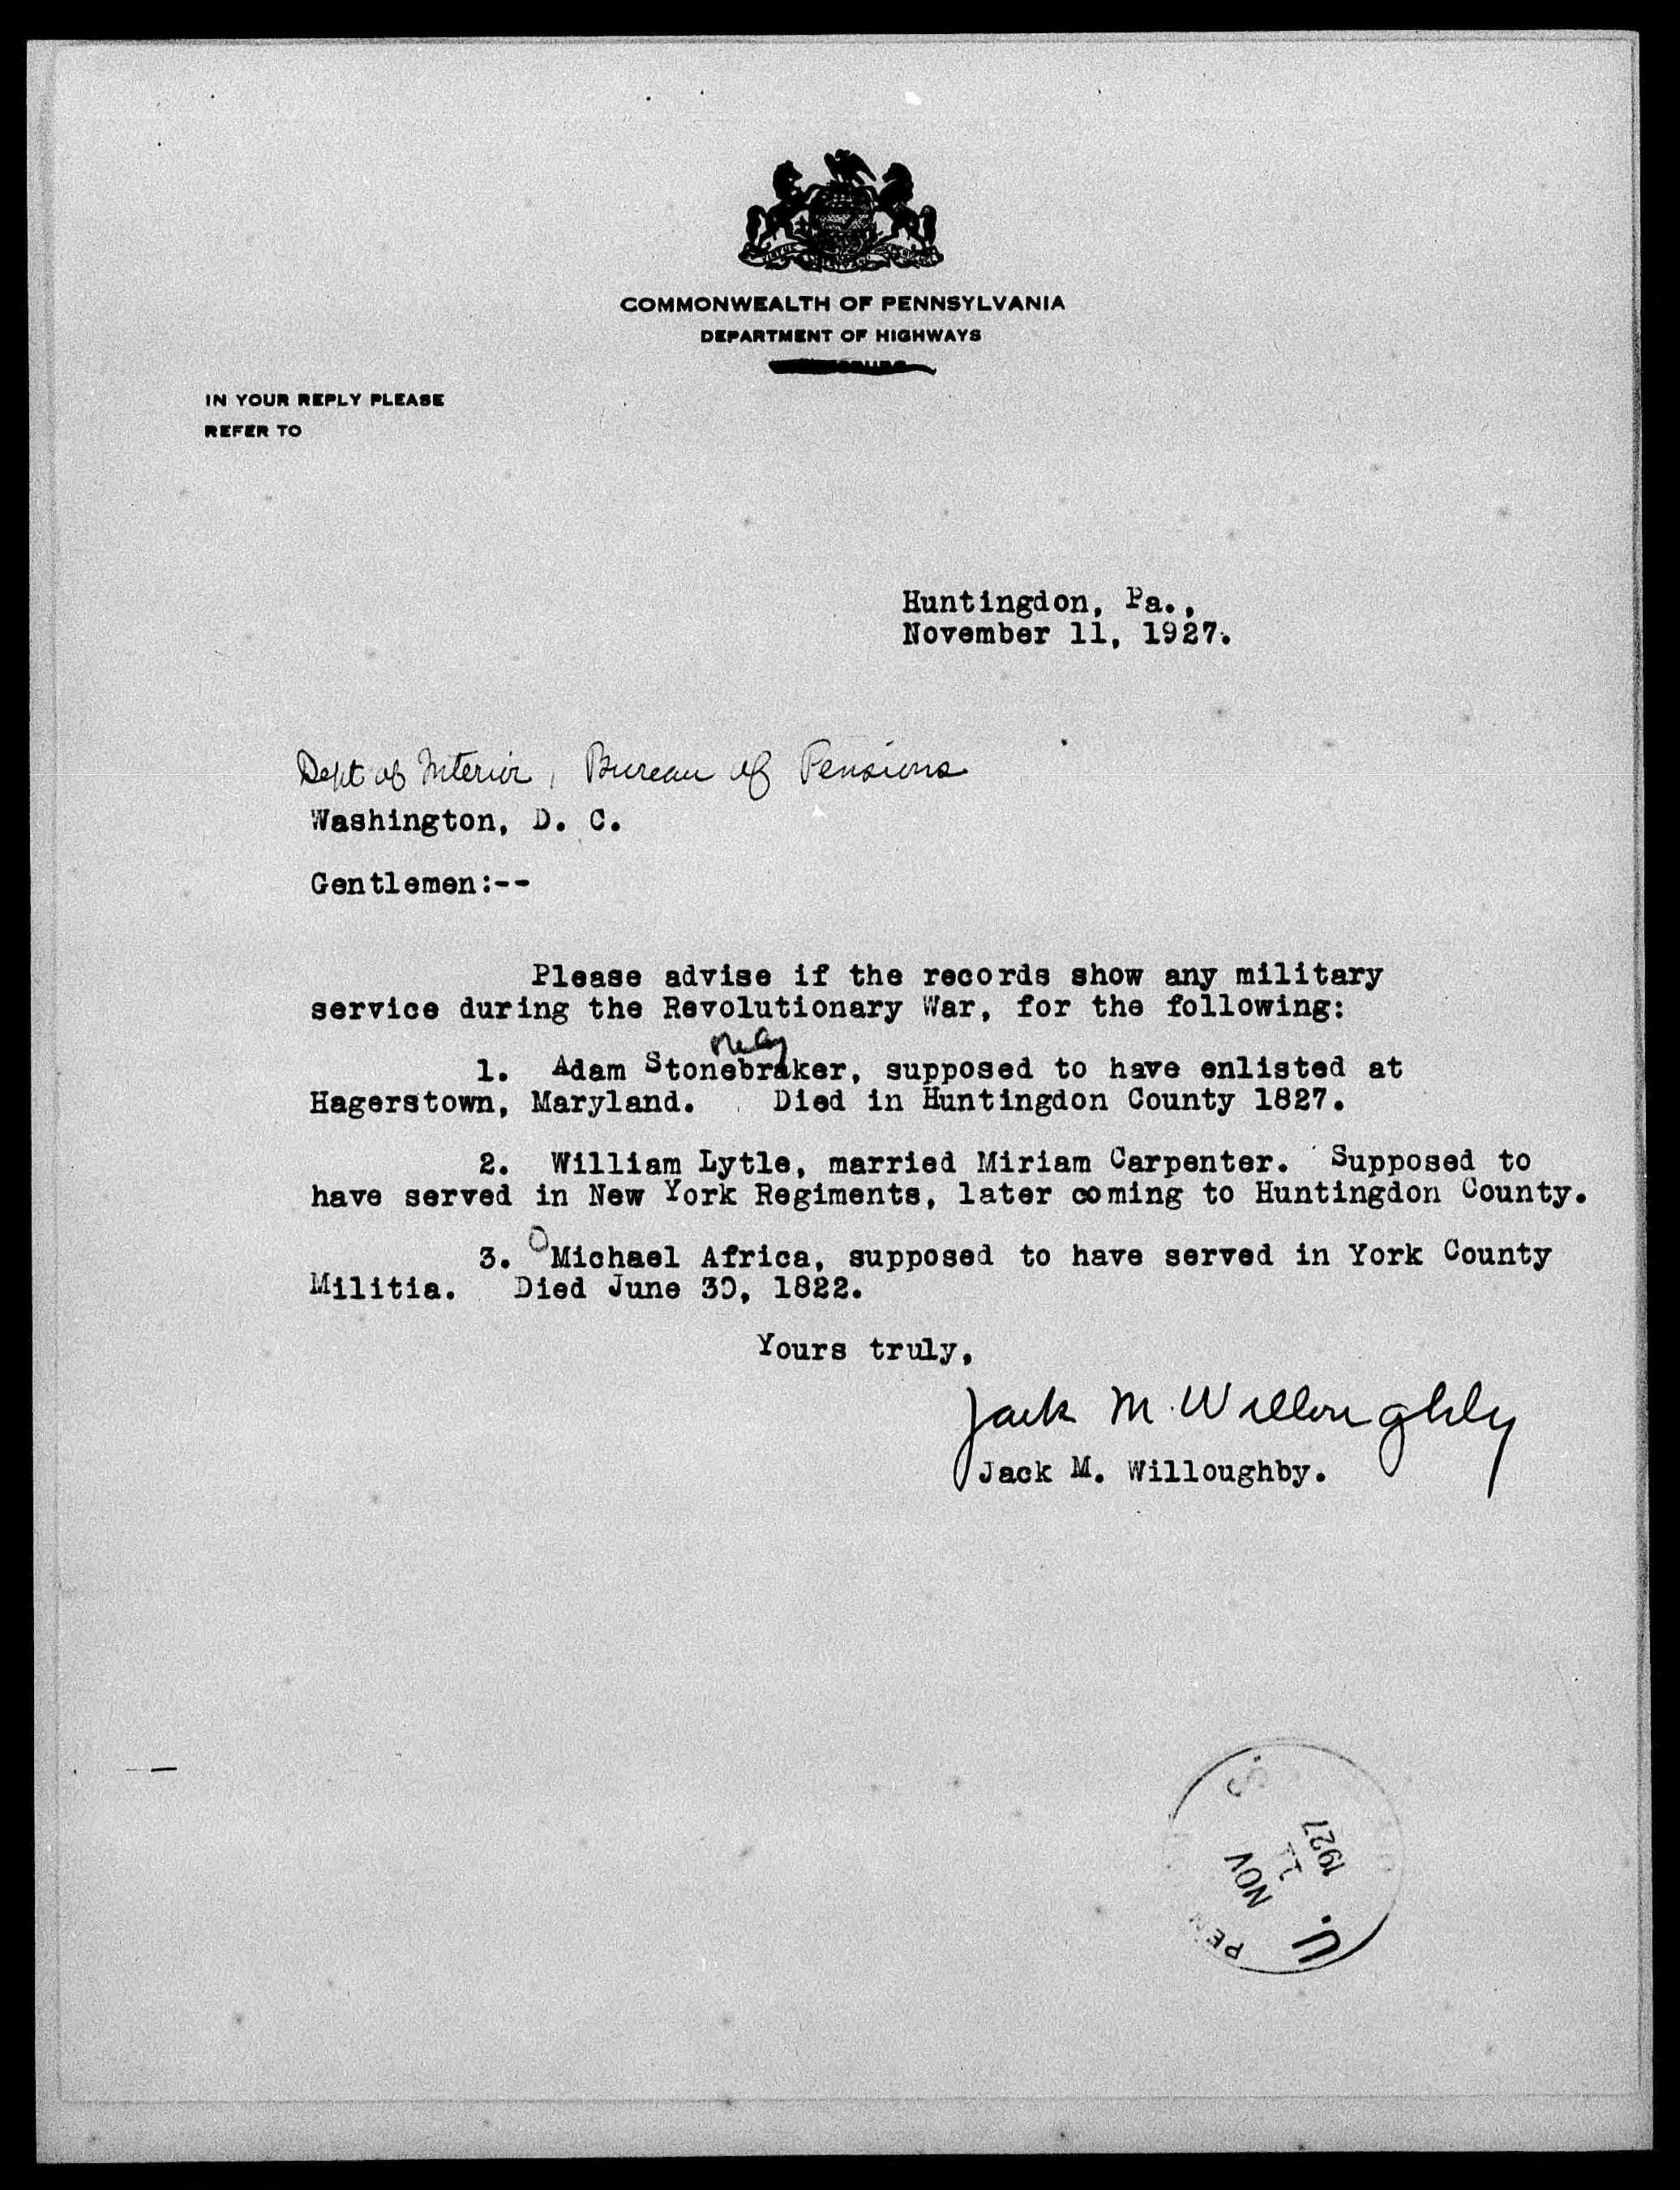COMMONWEALTH OF PENNSYLVANIA
DEPARTMENT OF HIGHWAYS

IN YOUR REPLY PLEASE 
REFER TO


Huntingdon, Pa.,
November 11, 1927.

Dept of Interior, Bureau of Pensions
Washington, D. C.

Gentlemen:--
Please advise if the records show any military
service during the Revolutionary War, for the following:
1.  Adam Stonebraker, supposed to have enlisted at Hagerstown, Maryland. Died in Huntingdon County 1827.
2. William Lytle, married Miriam Carpenter. Supposed to have served in New York Regiments, later coming to Huntingdon County.
3. Michael Africa, supposed to have served in York County Militia. Died June 30, 1822.
Yours truly,
Jack M. Willoughly
Jack M. Willoughby.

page: 15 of 24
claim: survivor's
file: S. 13810, for William Lytle, New York